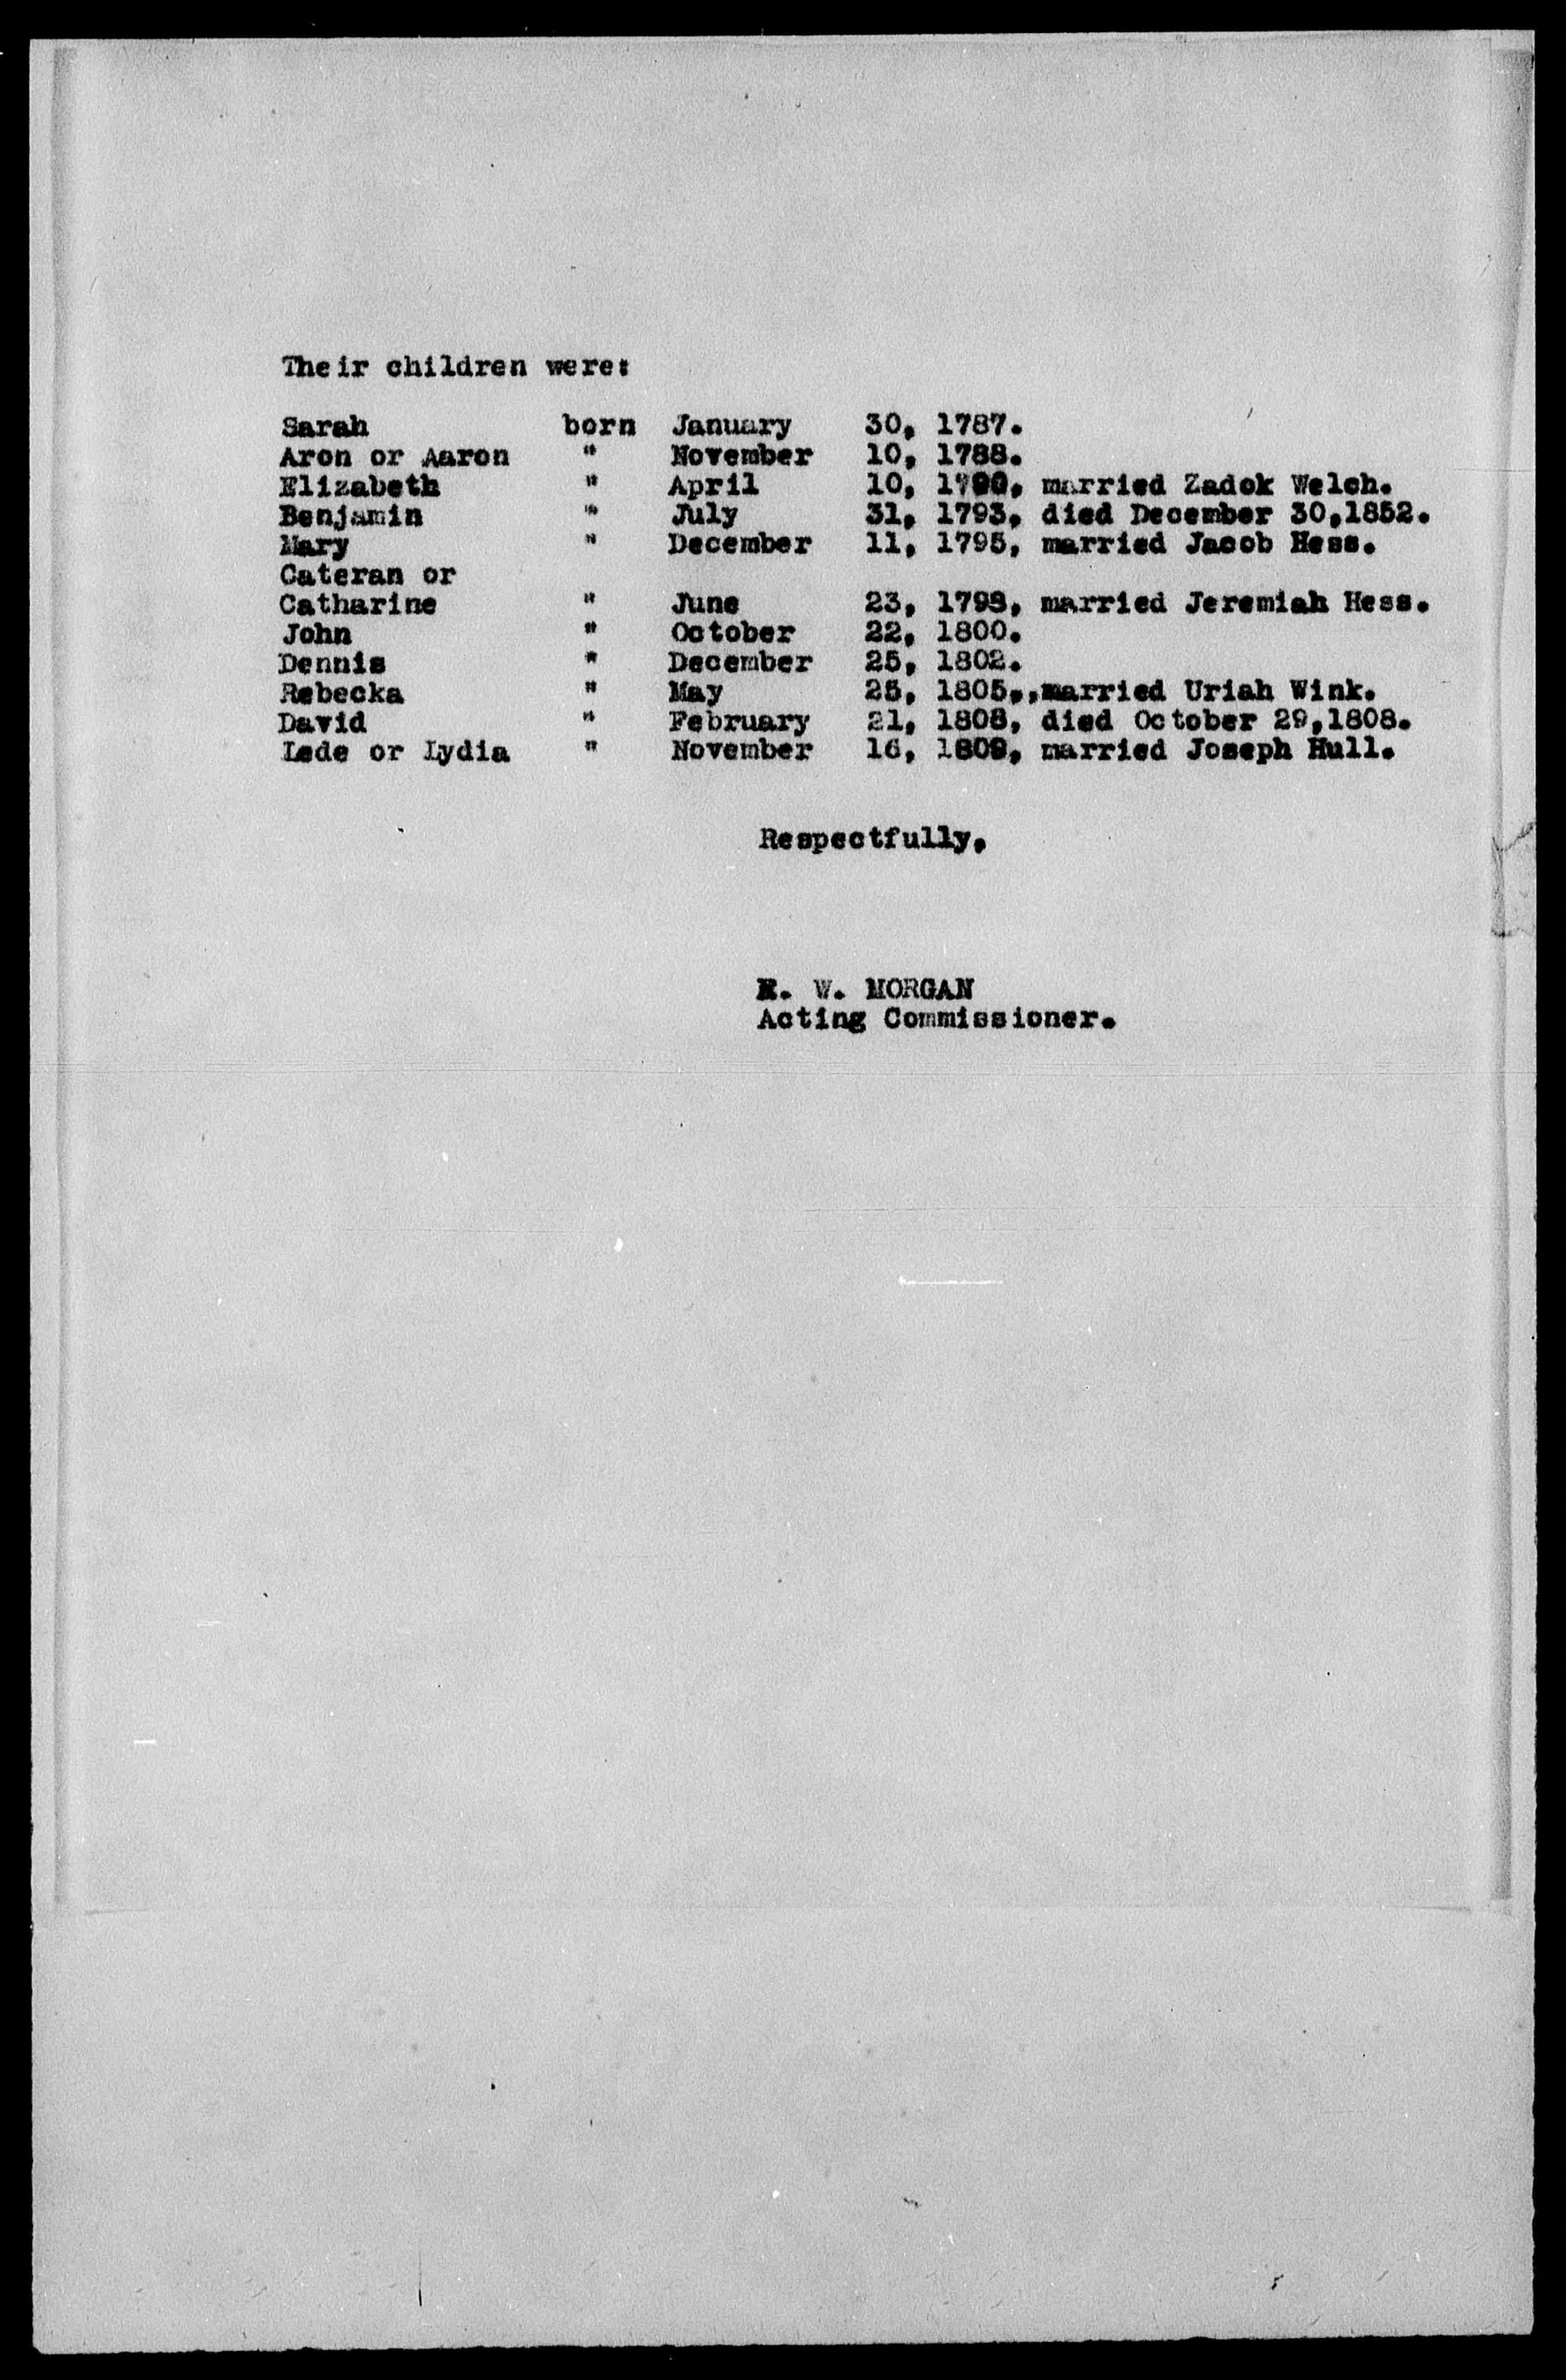Their children were:
Sarah born January 30, 1787.
Aron or Aaron " November 10, 1788.
Elizabeth " April 10, 1790, married Zadok Welch.
Benjamin " July 31, 1793, died December 30, 1852.
Mary " December 11, 1795, married Jacob Hess.
Cateran or
Catherine " June 23, 1798, married Jeremiah Hess.
John " October 22, 1800.
Dennis " December 25, 1802.
Rebecka " May 25, 1805,,married Uriah Wink.
David " February 21, 1808, died October 29, 1808.
Lede or Lydia " November 16, 1809, married Joseph Hull.
Respectfully,
E. W. MORGAN
Acting Commissioner.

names: Elizabeth, Joseph Hull, Lydia, Jacob Hess, John, Sarah, Mary, Benjamin, Cateran, Uriah Wink, R W Morgan, Dennis, Lede, David, Aaron, Aron, Rebecka, Catharine, Zadok Welch, Jeremiah Hess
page: 12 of 35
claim: rejected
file: R. 2,650, Daniel Daniels, Penn.